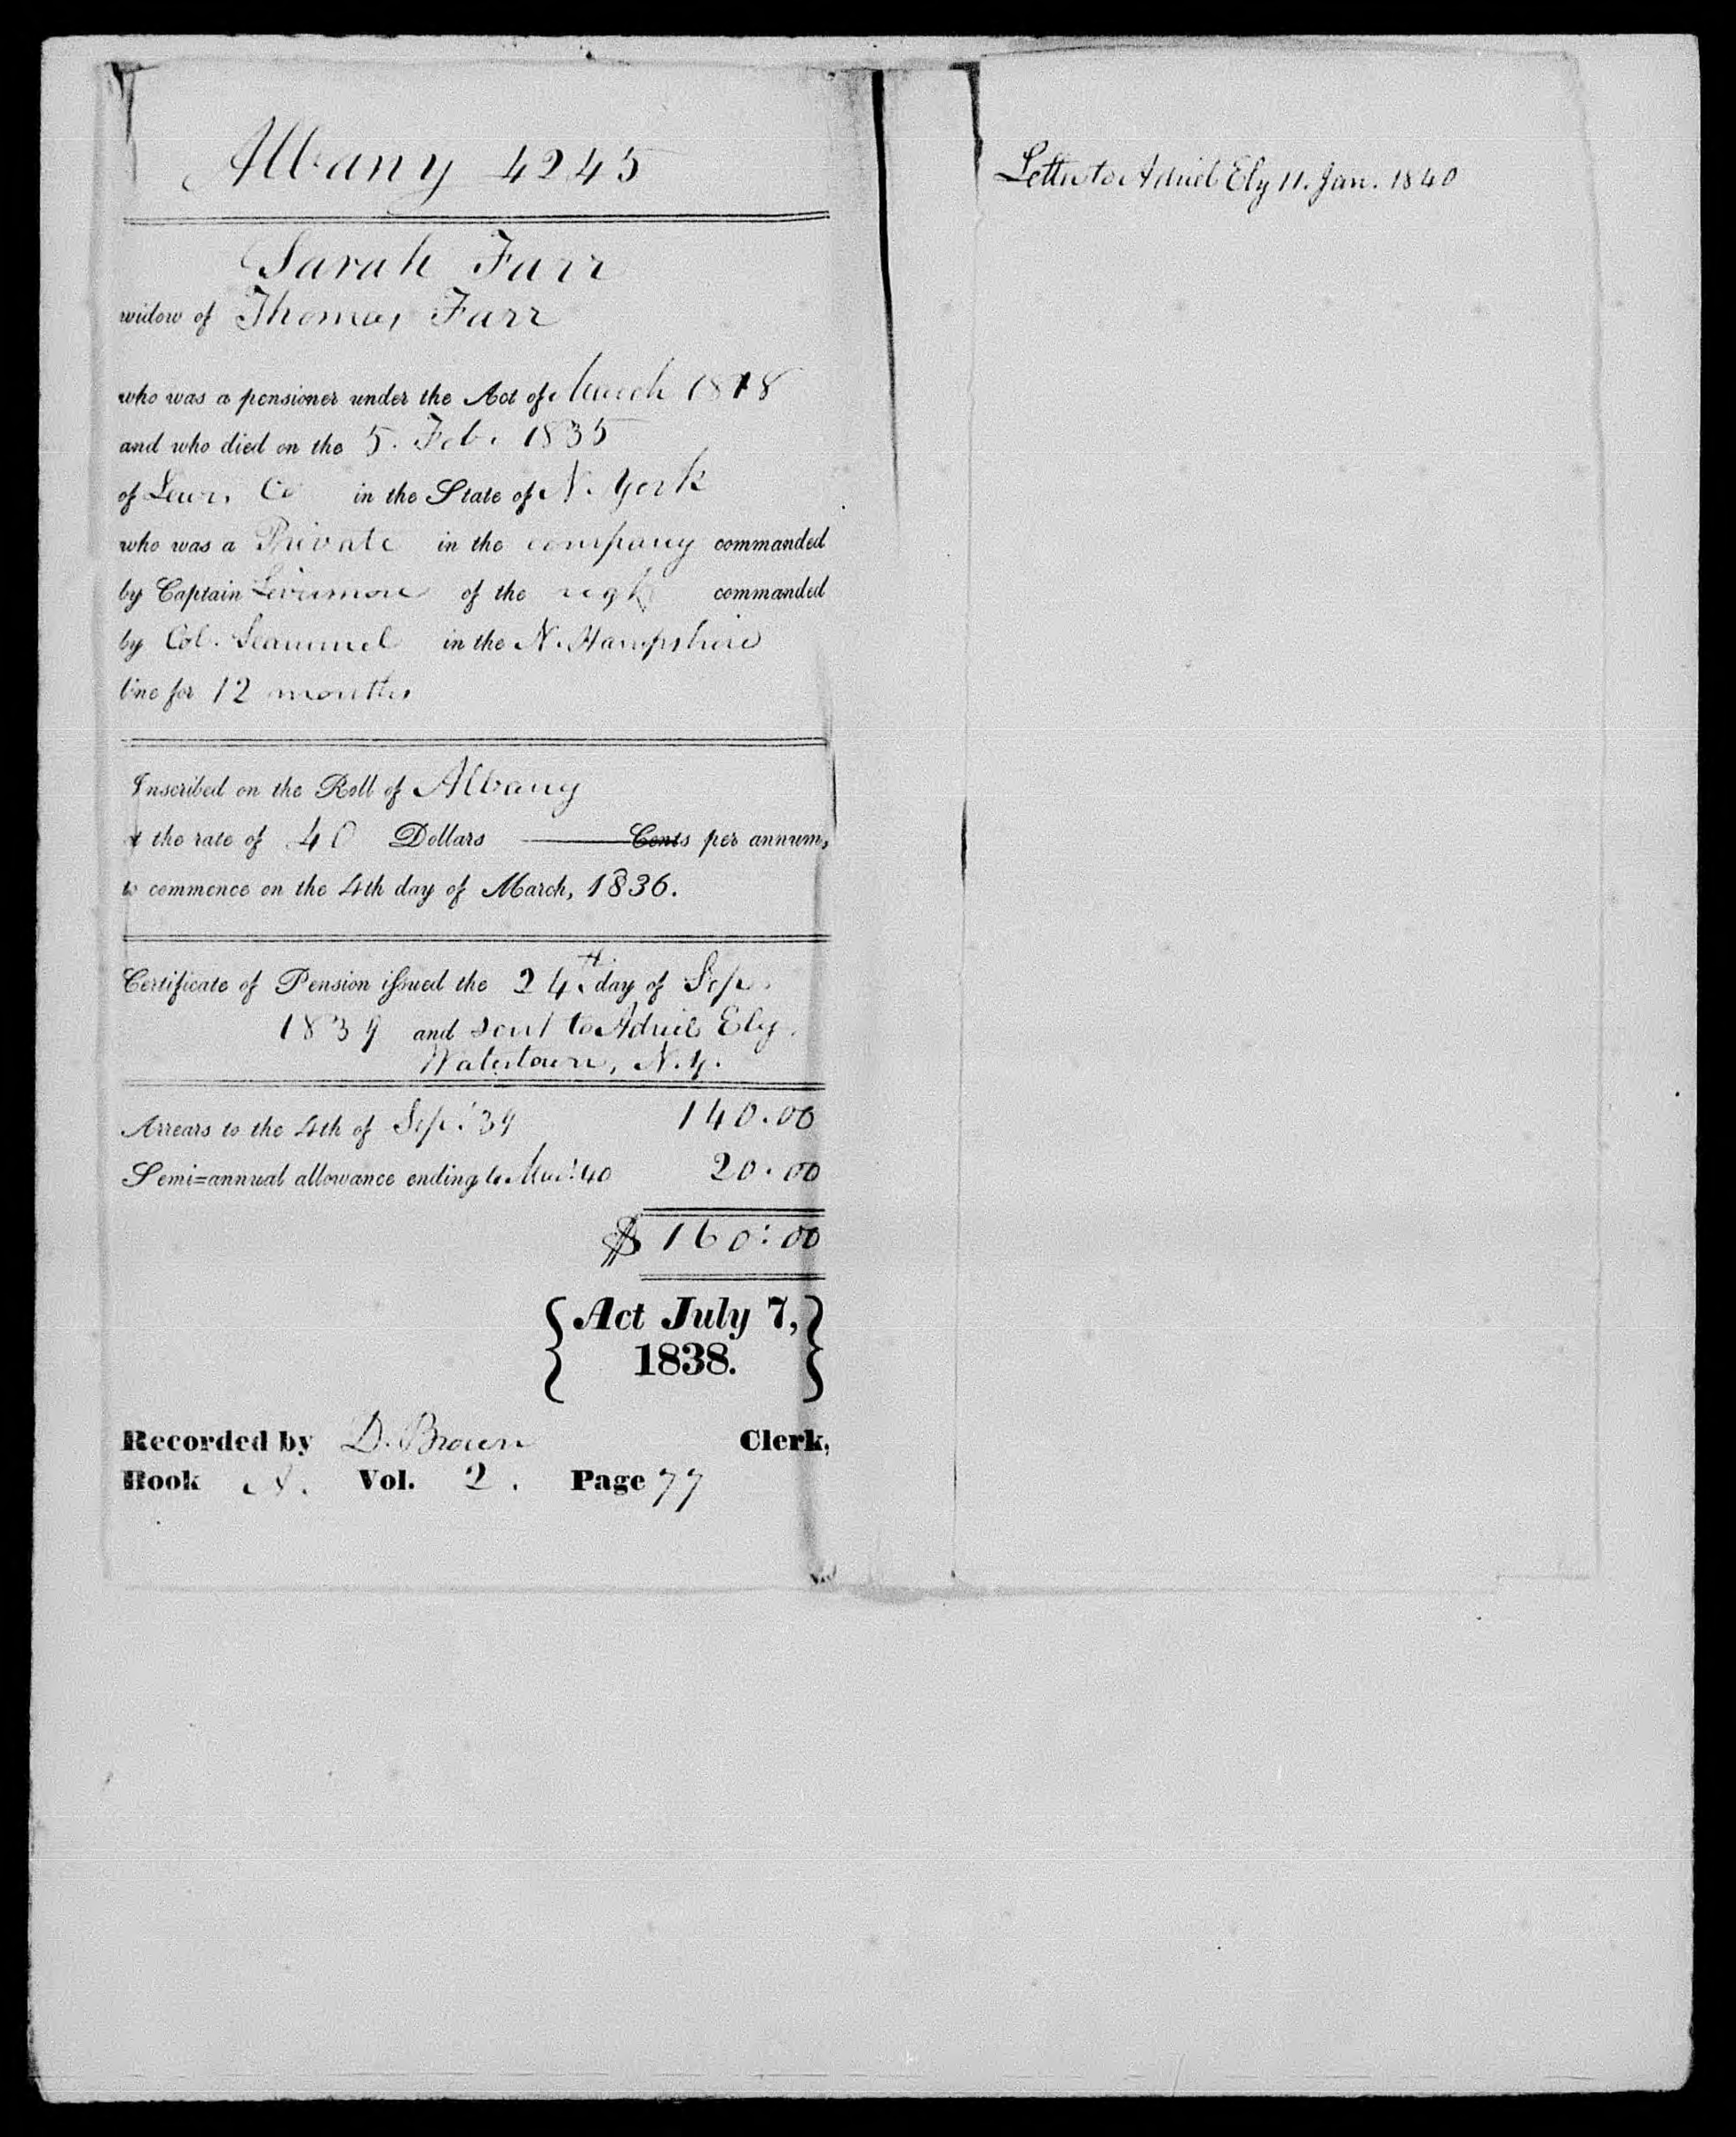Albany 4245
Sarah Farr
widow of Thomas Farr
who was a pensions under the Act of March 1818
and who died on the 5. Feb. 1835
of Leur, Co in the State of N. York
who was a Private in the company commanded
by Captain Livermore of the regt. commanded
by Col. Scammell in the N. Hampshire
line for 12 months

Inscribed on the Roll of Albany
of the rate of 40 Dollars ------Cents per annum,
to commence on the 4th day of March, 1836.

Certificate of Pension issued the 24th day of Sep.
1839 and sent to Adriel Ely
Watertown, N.Y.

Arrears to the 4th of Sep. '39                          140.00 
Semi=annual allowance ending to Mar 40       20.00
                                                                          ======
                                                                          $160.00
                                                                  {Act July 7,}
                                                                      {1838.}

Recorded by D. Brown       Clerk
Book A.    Vol. 2.     Page 77

[Right Page]
Letter to Adriel Ely 11. Jan. 1840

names: Sarah Farr, Scammel, Adriel Ely, Livermore, Thomas Farr, Adriel Ely, D Brown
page: 24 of 46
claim: widow's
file: W. 23022, Thomas Farr, N.H.